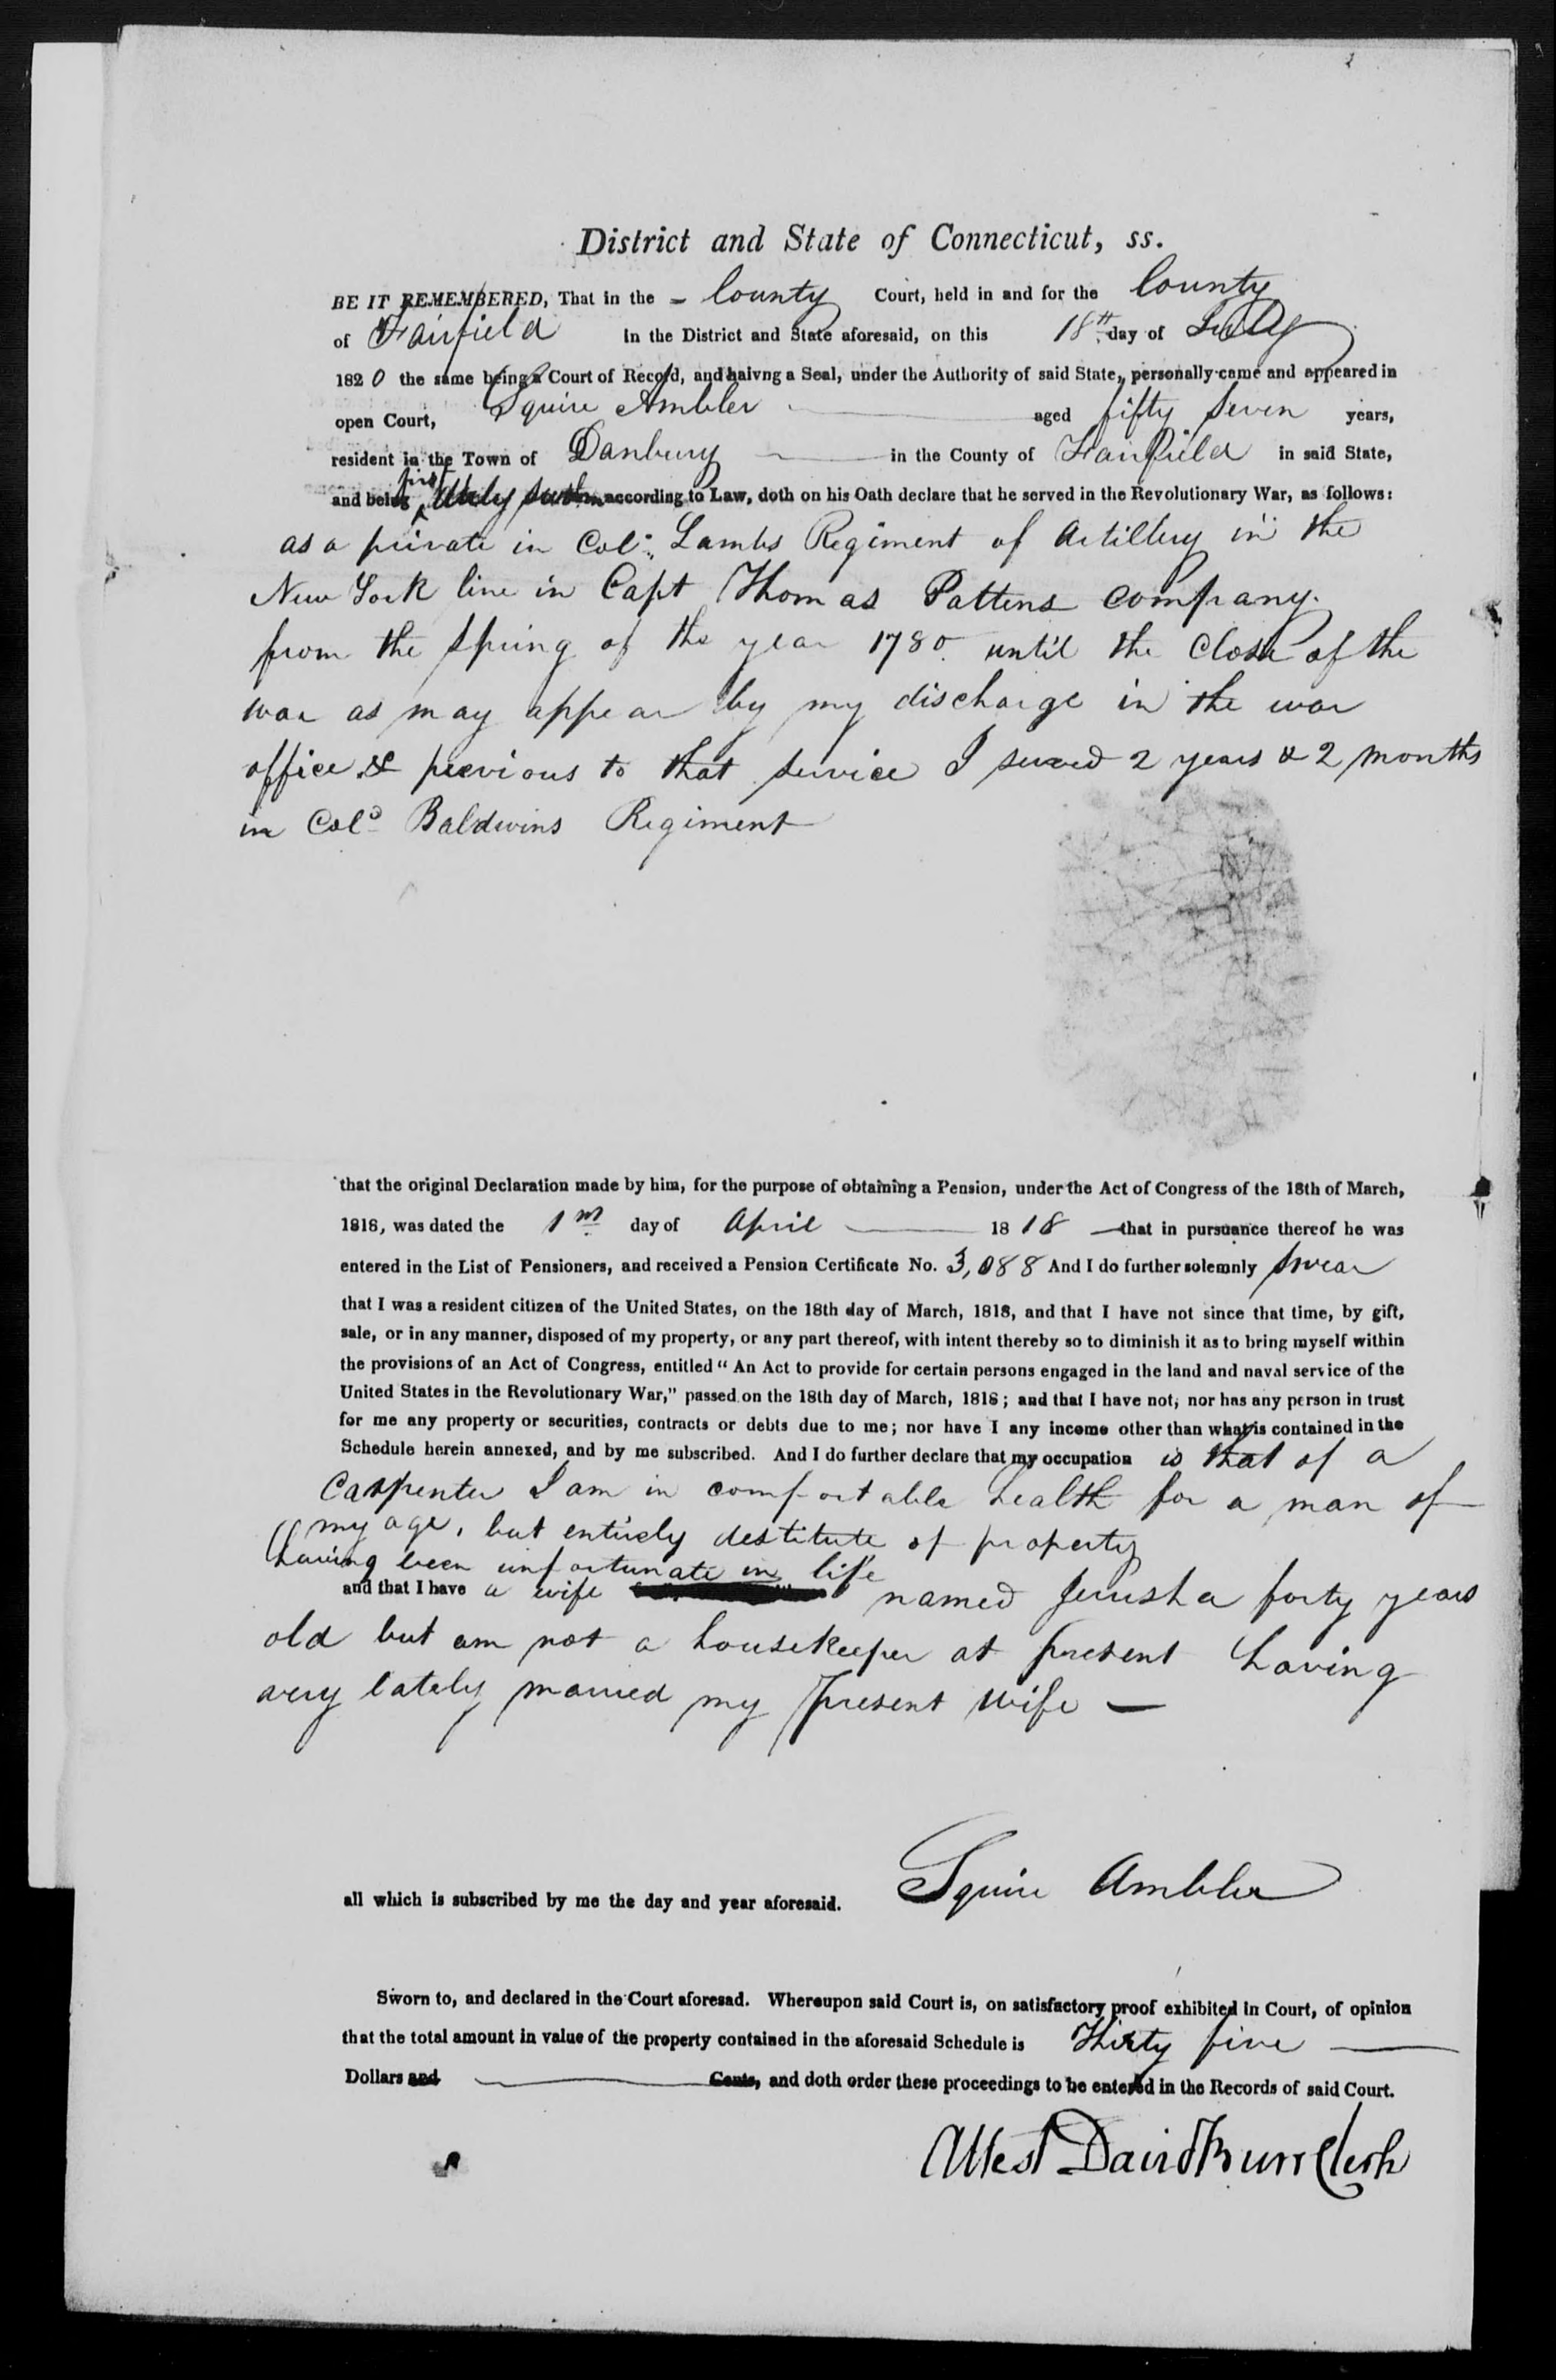District and State of Connecticut, ss.
BEIT REMEMBERED, That in the County Court, held in and for the County of Fairfield in the District and State aforesaid on this 18th day of July 1820 the same being a Court of Record, and having a Seal, under the Authority of said State, personally came and appeared in open Court, Squire Ambler, aged fifty seven years, resident in the Town of Danbury in the County of Fairfield in said State, and being first duly sworn according to Law, doth on his Oath declare that he served in the Revolutionary War, as follows:
as a private in the Col. Lambs Regiment of Artillery in the New York line in Captain Thomas Pattens company. from the spring of the year 1780 until the close of the war as may appear by my discharge in the war office and previous to that service I served 2 years and 2 months in Col Baldwins Regiment

that the original Declaration made by him, for the purpose of obtaining a Pension, under the Act of Congress of the 18th of March,
1818, was dated the 1st day of April 1818 that in pursuance thereof he was
entered in the List of Pensioners, and received a Pension Certificate No. 3,088 And I do further solemnly swear
that I was a resident citizen of the United States, on the 18th day of March, 1818, and that I have not since that time, by gift,
sale, or in any manner, disposed of my property, or any part thereof, with intent thereby so to diminish it as to bring myself within
the provisions of an Act of Congress, entitled "An Act to provide for certain persons engaged in the land and naval service of the
United States in the Revolutionary War," passed on the 18th day of March, 1818; and that I have not, nor has any person in trust
for me any property or securities, contracts or debts due to me; nor have I any income other than what is contained in the
Schedule herein annexed, and by me subscribed. And I do further declare that my occupation is that of a carpenter I am in comfortable health for a man of my age, but entirely destitute of property having been unfortunate in life and that I have a wife named Jerusha forty years old but am not a housekeeper at present having very lately married my present wife
all which is subscribed by me the day and year aforesaid. Squire Ambler
Sworn to, and declared in the Court aforesaid. Whereupon said Court is, on satisfactory proof exhibited in Court, of opinion
that the total amount in value of the property contained in the aforesaid Schedule is Thirty five Dollars, and doth order these proceedings to be entered in the Records of said Court.
Attest David Burr Clerk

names: Jerusha, David Burr, Squire Ambler, Squire Ambler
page: 8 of 39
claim: widow's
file: W. 2,056, Squire Ambler, Continental (Sol. Res. In N.Y. & Conn.)